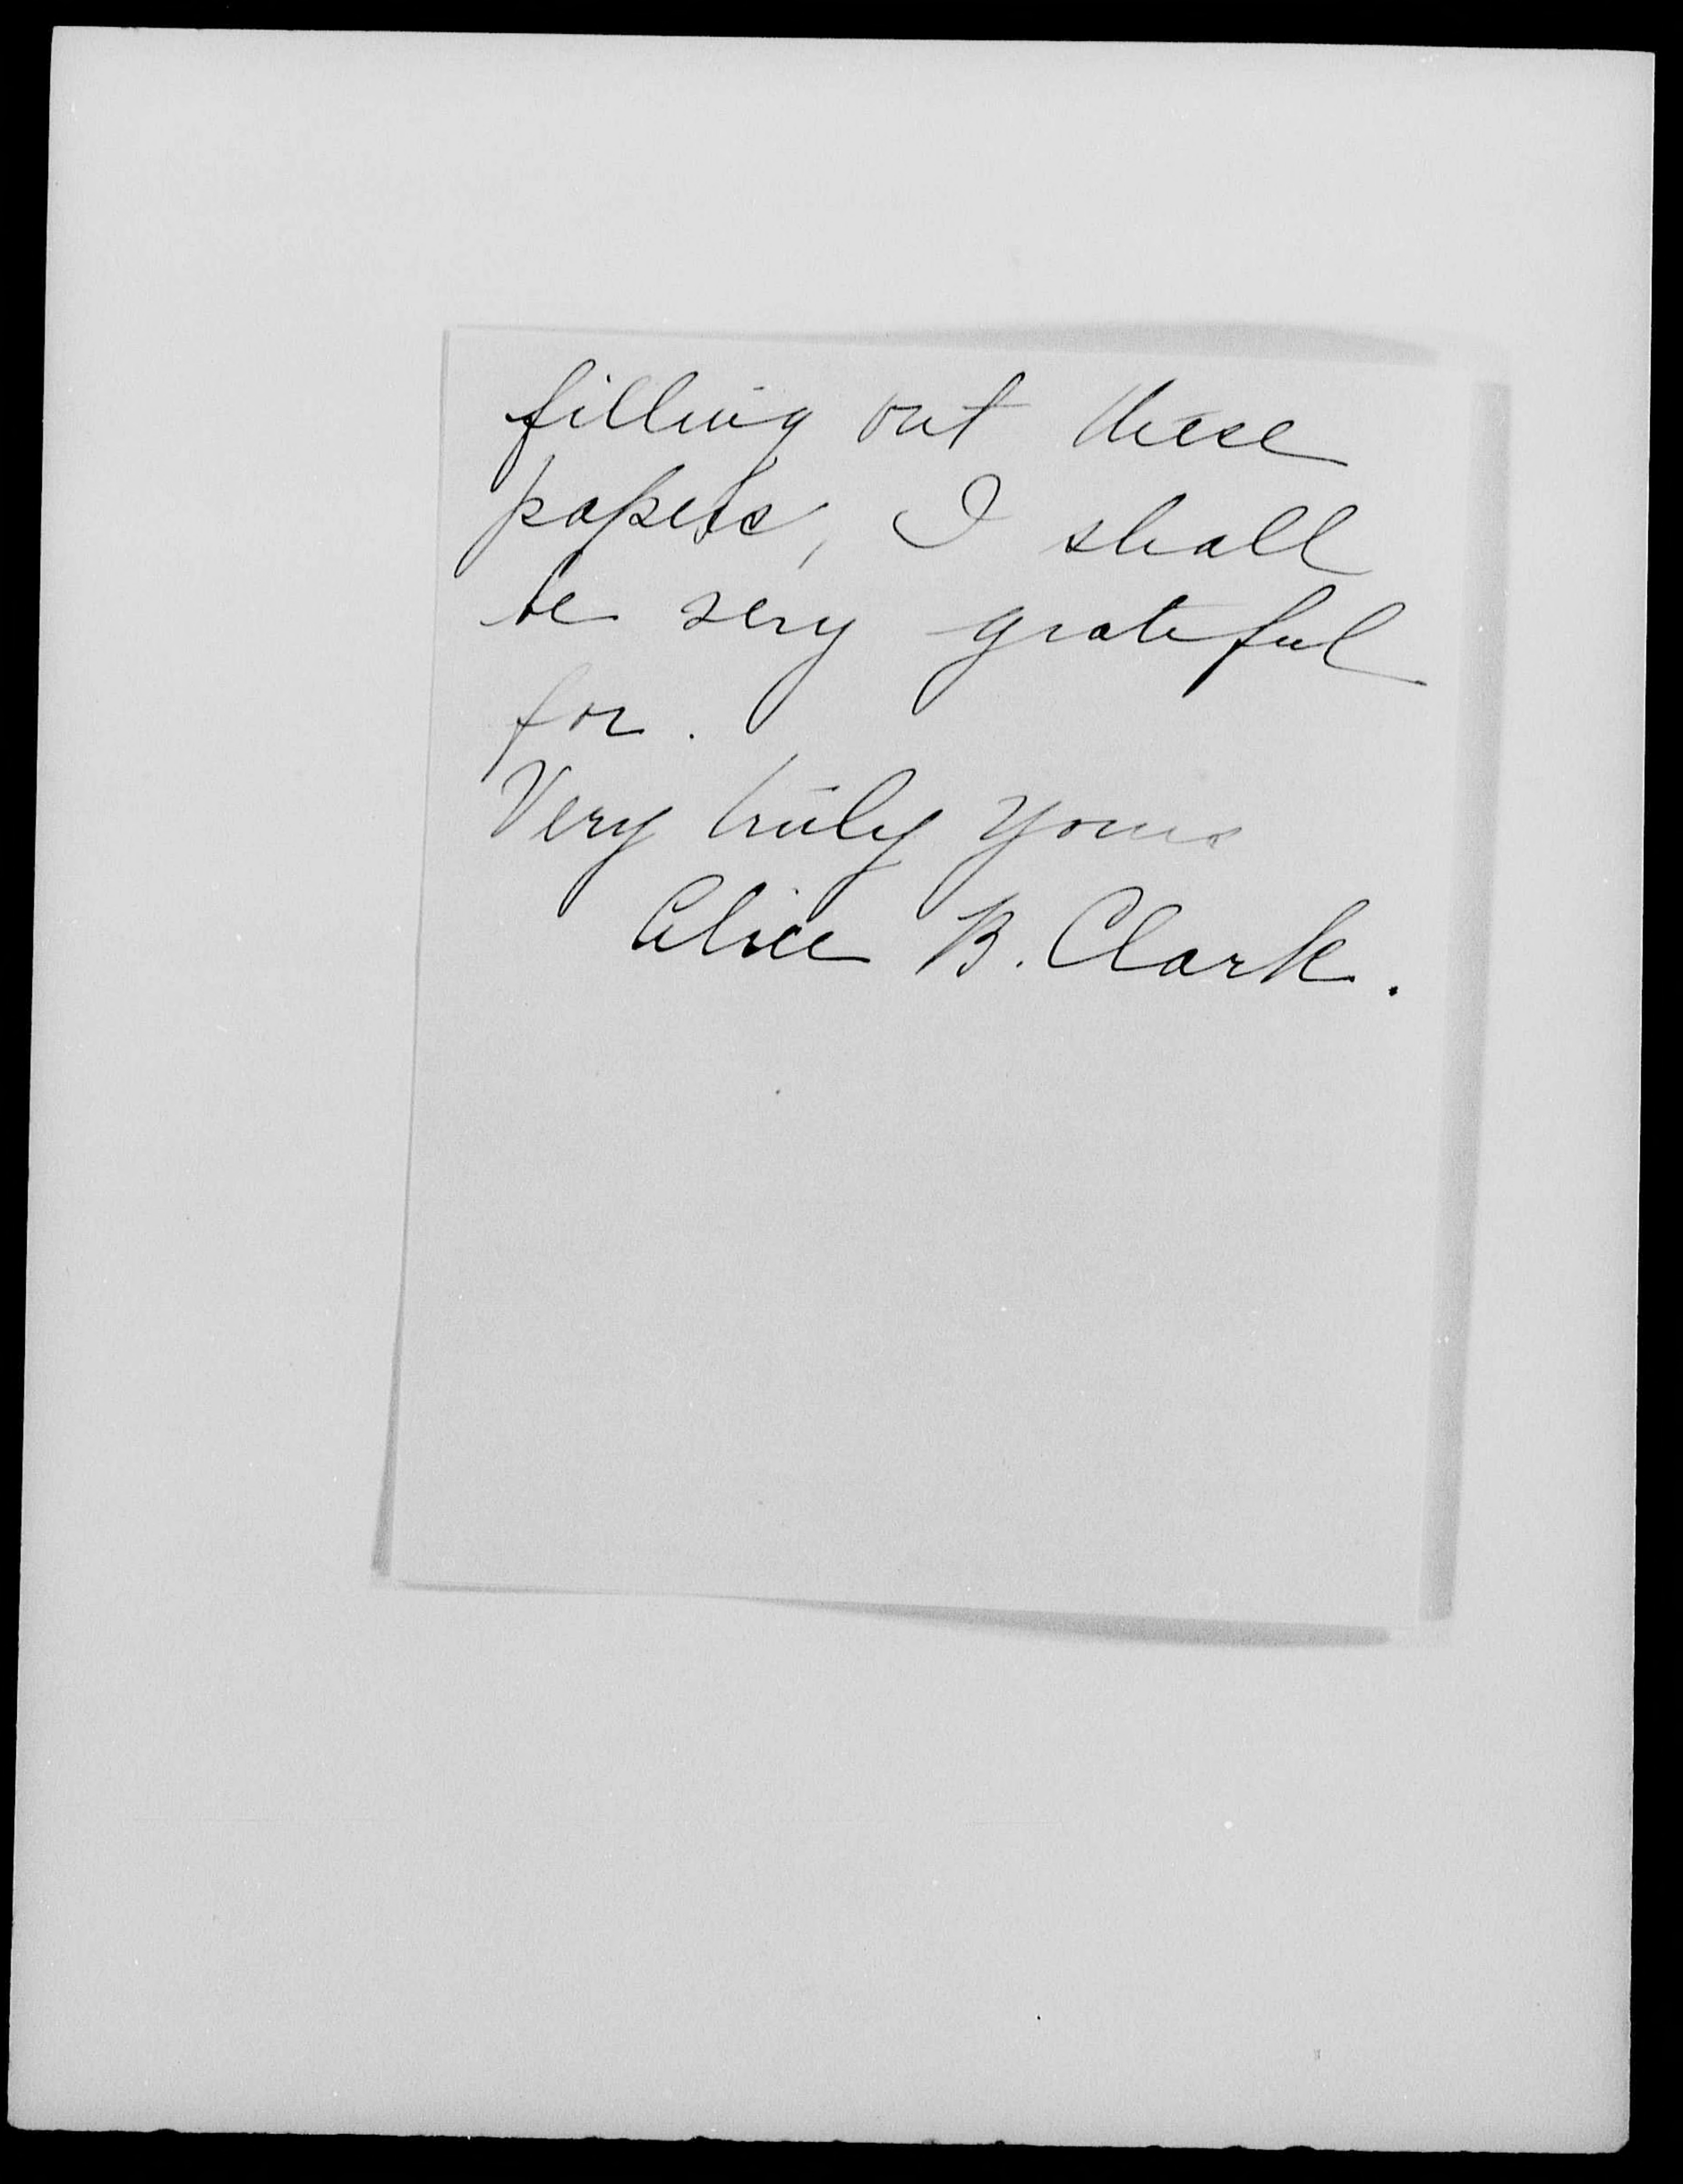[handwritten]
filing out these papers, I shall be very grateful for.

Very truly yours,
[signed] Alice B. Clark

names: Alice B Clark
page: 28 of 51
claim: widow's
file: W. 23816, Oliver Clark, Conn.